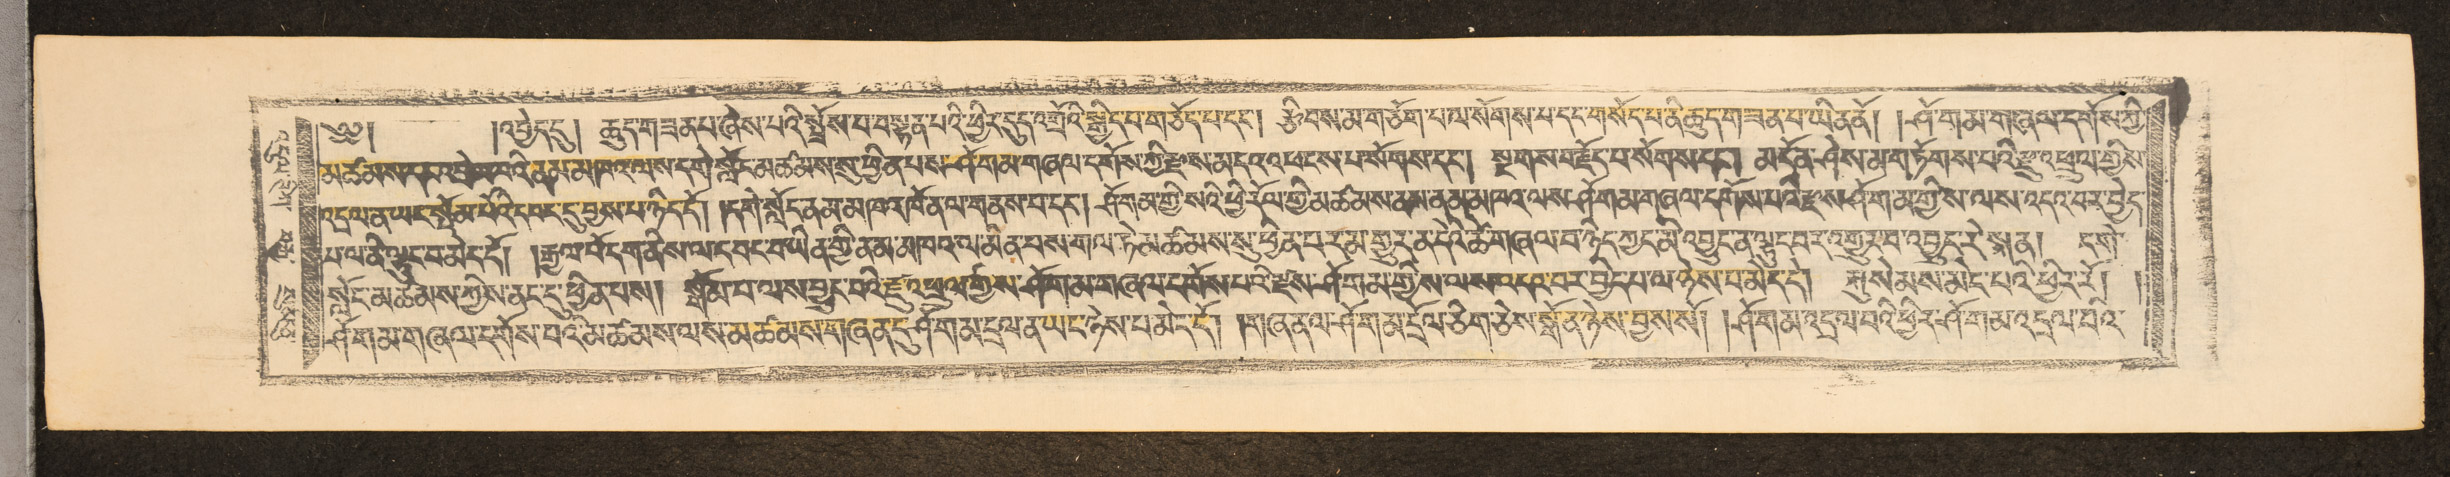༄༅། །འབྱེད་དུ། ཆུད་གཟན་པ་ཞེས་པའི་སྦྲོས་པ་བསྟན་པའི་ཕྱིར་དུད་འགྲོའི་སྒྱིད་པ་གཅོད་པ་དང་། རྩིབས་མ་གཅོག་པ་ལ་སོགས་པ་དང་གསོད་པ་ནི་ཆུད་གཟན་པ་ཡིན་ནོ། །ཤོ་གམ་གཞལ་
དགོས་ཀྱི་མཚམས་དང་འབྲེལ་བའི་ནམ་མཁའ་ལས་དགེ་སློང་མཚམས་སུ་ཕྱིན་པས་ཤོ་གམ་གཞལ་དགོས་ཀྱི་རྫས་མདའ་འཕངས་པ་སོགས་དང་། སྔགས་བརྗོད་པ་སོགས་དང་། མངོན་ཤེས་མ་གཏོགས་པའི་རྫུ་འཕྲུལ་གྱིས་འདྲལ་ན་ཡང་སྦོམ་
པོའི་དབང་དུ་བྱས་པ་ཉིད་དོ། །དགེ་སློང་ནམ་མཁའ་ཁོ་ན་ལ་གནས་པ་དང་། ཤོ་གམ་གྱི་སའི་ཕྱི་རོལ་གྱི་མཚམས་ནས་ནམ་མཁའ་ལས་ཤོ་གམ་གཞལ་དགོས་པའི་རྫས་ཤོ་གམ་གྱིས་ལས་འདའ་བར་བྱེད་
པ་ལ་ནི་ལྟུང་བ་མེད་དོ། །རྒྱལ་པོ་དག་ནི་ས་ལ་དབང་པ་ཡིན་གྱི་ནམ་མཁའ་ལ་མིན་པས་གལ་ཏེ་མཚམས་སུ་ཕྱིན་པར་མ་གྱུར་ན་དེའི་ཚེ་གཞལ་བ་ཉིད་ཀྱང་མི་འབྱུང་ན་ལྟུང་བར་འགྱུར་བ་འབྱུང་རེ་སྐན། དགེ་
སློང་མཚམས་ཀྱིས་ནང་དུ་ཕྱིན་པས། སྒོམ་པ་ལས་བྱུང་བའི་རྫུ་འཕྲུལ་གྱིས་ཤོ་གམ་གཞལ་དགོས་པའི་རྫས་ཤོ་གམ་གྱིས་ལས་འདའ་བར་བྱེད་པ་ལ་ཉེས་པ་མེད་དེ། རྐུ་སེམས་མེད་པའི་ཕྱིར་རོ། །
ཤོ་གམ་གཞལ་དགོས་པའི་མཚམས་ལས་མཚམས་གཞན་དུ་ཤོ་གམ་དྲལ་ན་ཡང་ཉེས་པ་མེད་དོ། །གཞན་ལ་ཤོ་གམ་དྲོལ་ཅིག་ཅེས་སྒོ་ན་ཉེས་བྱས་སོ། །ཤོ་གམ་འདྲལ་བའི་ཕྱིར་ཤོ་གམ་འདྲལ་བའི་